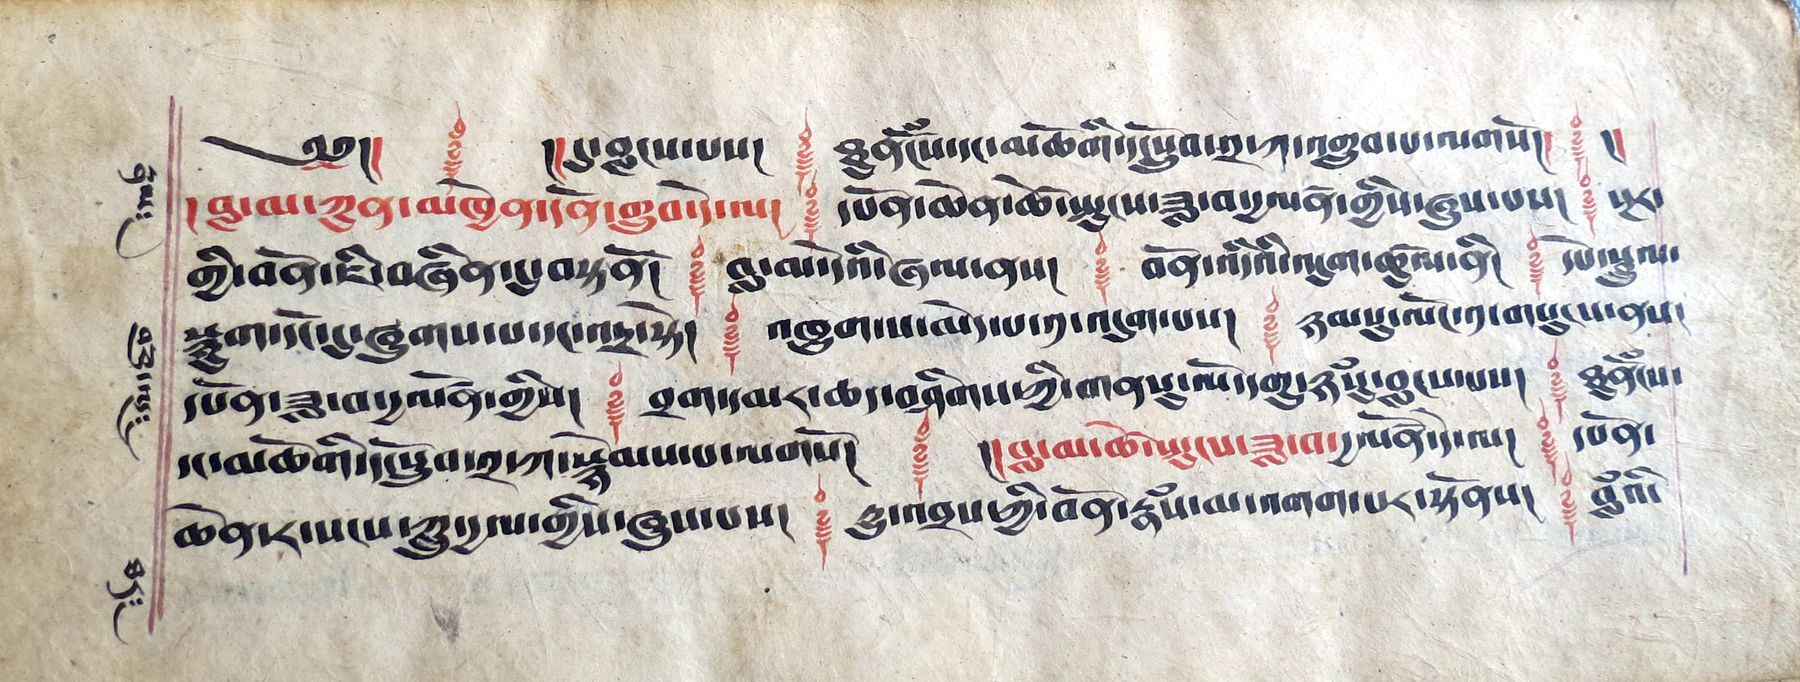དུ་བླངས་པས། ཐུན་མོང་དང་མཆོག་གི་དངོས་གྲུབ་གཉིས་ཀ་གྲུབ་པ་ལགས་སོ། ། 
བླ་མ་ཀུན་མཁྱེན་དོན་གྲུབ་དེ་ལ། དཔོན་ཆེན་ཚེ་སྤུངས་ཟླ་བ་རྒྱལ་མཚན་གྱིས་ཞུས་པས། སྔར་
གྱི་བོན་ཇི་བཞིན་དུ་བསྟན་ཏོ། ། བླ་མ་དེའི་ཞལ་ནས། བོན་འདི་ཡི་འདུག་ཚུལ་ནི། དཔེ་སྦྲུལ་
སྙུག་དོང་དུ་ཞུགས་པ་དང་འདྲ་སྟེ། འཆུག་པ་མེད་པ་ཞིག་འདུག་པས། ཉམས་སུ་ལོངས་ཤིག་གསུངས་ནས། 
དཔོན་ཟླ་བ་རྒྱལ་མཚན་གྱིས། བྲག་དམར་ཆད་གཤིག་གི་གནས་སུ། ལོ་དགུ་ཉམས་སུ་བླངས་པས། ཐུན་མོང་
དང་མཆོག་གི་དངོས་གྲུབ་གཉིས་ཀ་བསྙེམས་པ་ལགས་སོ། ། བླ་མ་ཚེ་སྤུངས་ཟླ་བ་རྒྱལ་མཚན་དེ་ལ། དཔོན་
ཆེན་ར་སངས་ཀླུ་རྒྱལ་གྱིས་ཞུས་པས། རྒྱུ་འབྲས་ཀྱི་བོན་རྣམས་མ་འགག་པར་བསྟན་ནས། བླ་མའི་